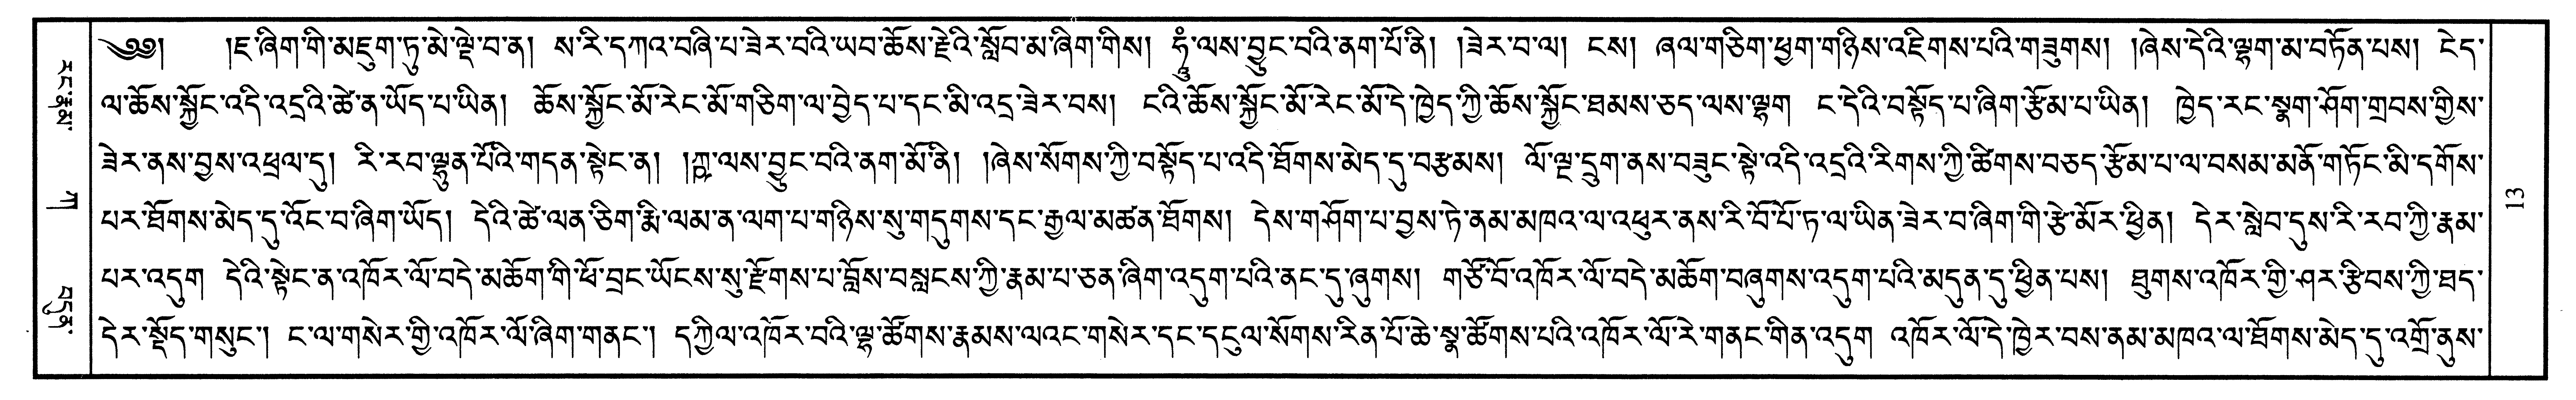༄༅། །ཇ་ཞིག་གི་མཇུག་ཏུ་མེ་ལྡེ་བ་ན། ས་རི་དཀའ་བཞི་པ་ཟེར་བའི་ཡབ་ཆོས་རྗེའི་སློབ་མ་ཞིག་གིས། ཧཱུཾ་ལས་བྱུང་བའི་ནག་པོ་ནི། །ཟེར་བ་ལ། ངས། ཞལ་གཅིག་ཕྱག་གཉིས་འཇིགས་པའི་གཟུགས། །ཞེས་དེའི་ལྷག་མ་བཏོན་པས། ངེད་
ལ་ཆོས་སྐྱོང་འདི་འདྲའི་ཚེ་ན་ཡོད་པ་ཡིན། ཆོས་སྐྱོང་མོ་རེང་མོ་གཅིག་ལ་བྱེད་པ་དང་མི་འདྲ་ཟེར་བས། ངའི་ཆོས་སྐྱོང་མོ་རེང་མོ་དེ་ཁྱེད་ཀྱི་ཆོས་སྐྱོང་ཐམས་ཅད་ལས་ལྷག་ང་དེའི་བསྟོད་པ་ཞིག་རྩོམ་པ་ཡིན། ཁྱེད་རང་སྣག་ཤོག་གྲབས་གྱིས་
ཟེར་ནས་བྱས་འཕྲལ་དུ། རི་རབ་ལྷུན་པོའི་གདན་སྟེང་ན། །ཀྵ་ལས་བྱུང་བའི་ནག་མོ་ནི། །ཞེས་སོགས་ཀྱི་བསྟོད་པ་འདི་ཐོགས་མེད་དུ་བརྩམས། ལོ་ལྔ་དྲུག་ནས་བཟུང་སྟེ་འདི་འདྲའི་རིགས་ཀྱི་ཚིགས་བཅད་རྩོམ་པ་ལ་བསམ་མནོ་གཏོང་མི་དགོས་
པར་ཐོགས་མེད་དུ་འོང་བ་ཞིག་ཡོད། དེའི་ཚེ་ལན་ཅིག་རྨི་ལམ་ན་ལག་པ་གཉིས་སུ་གདུགས་དང་རྒྱལ་མཚན་ཐོགས། དེས་གཤོག་པ་བྱས་ཏེ་ནམ་མཁའ་ལ་འཕུར་ནས་རི་བོ་པོ་ཏ་ལ་ཡིན་ཟེར་བ་ཞིག་གི་རྩེ་མོར་ཕྱིན། དེར་སླེབ་དུས་རི་རབ་ཀྱི་རྣམ་
པར་འདུག །དེའི་སྟེང་ན་འཁོར་ལོ་བདེ་མཆོག་གི་ཕོ་བྲང་ཡོངས་སུ་རྫོགས་པ་བློས་བསླངས་ཀྱི་རྣམ་པ་ཅན་ཞིག་འདུག་པའི་ནང་དུ་ཞུགས། གཙོ་བོ་འཁོར་ལོ་བདེ་མཆོག་བཞུགས་འདུག་པའི་མདུན་དུ་ཕྱིན་པས། ཐུགས་འཁོར་གྱི་ཤར་རྩིབས་ཀྱི་ཐ་
དེར་སྡོད་གསུང་། ང་ལ་གསེར་གྱི་འཁོར་ལོ་ཞིག་གནང་། དཀྱིལ་འཁོར་བའི་ལྷ་ཚོགས་རྣམས་ལའང་གསེར་དང་དངུལ་སོགས་རིན་པོ་ཆེ་སྣ་ཚོགས་པའི་འཁོར་ལོ་རེ་གནང་གིན་འདུག། འཁོར་ལོ་དེ་ཁྱེར་བས་ནམ་མཁའ་ལ་ཐོགས་མེད་དུ་འགྲོ་ནུས་